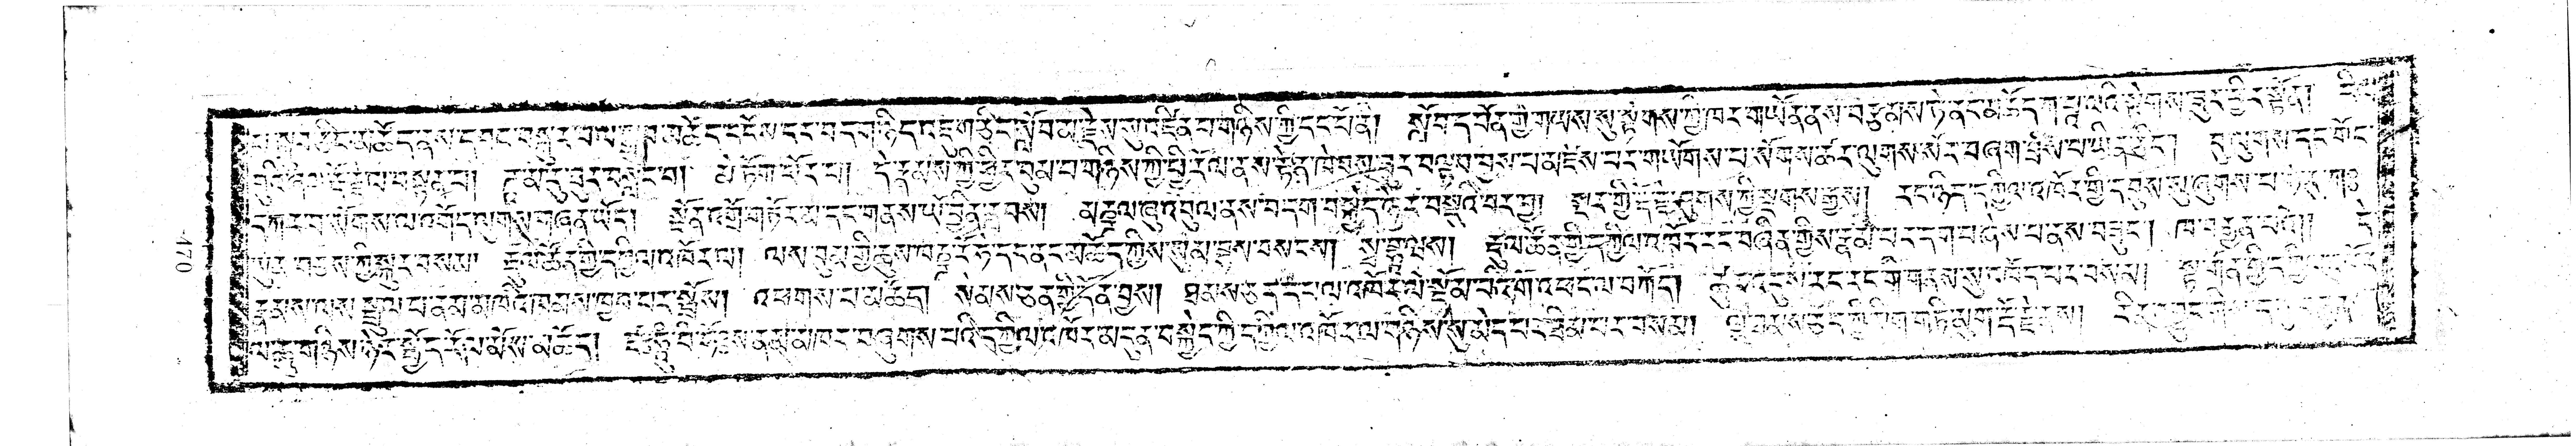བ་སྒྲུབ་ཅིང་མཆོད་ནས་དབང་བསྐུར་བ་ལ་སྒྲུབ་མཆོད་དངོས་དང་བདག་ཉིད་འཇུག་ཅང་སློབ་མ་རྗེས་སུ་འཛིན་པ་གཉིས་ཀྱི་དང་པོ་ནི། སློབ་དཔོན་གྱེ་གཡས་སུ་སྟེགས་ཀྱི་ཁར་གཡོན་ནས་བརྩམས་ཏེ་ནང་མཆོད་ཀ་པཱ་ལའི་སྟེགས་ཟུར་ཕྱིར་སྟོན། དིལ་
བུའི་ཞལ་རྡོ་རྗེ་ལ་བསྟན་པ། ཌཱ་མ་རུ་ཟུར་བསློང་བ། མེ་ཏོག་ཕོར་པ། དེ་རྣམས་ཀྱི་ཕྱིར་བུམ་པ་གཉིས་ཀྱི་ཕྱི་རོལ་ནས་རྟེན་ཁེབས་ཟུར་བལྟབ་བྱས་པ་མཛེས་པར་གཡོགས་པ་སོགས་ཚར་ལུགས་སོར་བཞག་བྲིས་པ་ཡིན་ཅིང་། བུ་ལུགས་དང་གོང་
དཀར་བ་སོགས་ལ་འགོད་ལུགས་གཞན་ཡོད། སྔོན་འགྲོ་གཏོར་མ་དང་གནས་ཡོ་བྱིན་རླབས། མཎྜལ་ཞུ་འབུལ་ནས་བདག་བསྐྱེད་ཉེར་བསྡུའི་བར་བྱ། སྔར་གྱི་རྡོ་རྗེ་ཤུགས་ཀྱི་སྔགས་རྒྱས། རང་ཉིད་དཀྱིལ་འཁོར་གྱི་དབུས་སུ་ཞུགས་པ་ཧེ་རུ་ཀཿ
ཡུན་བཅས་ཀྱི་སྐུར་བསམ། རྡུལ་ཚོན་གྱི་དཀྱིལ་འཁོར་ལ། ལས་བུམ་གྱི་ཆུས་ཁཎྜ་?་རོ་ཧེ་དང་ནང་མཆོད་ཀྱིས་སུམ་བྷས་བསངས། སྭ་བྷཱ་ཝས། རྡུལ་ཚན་གྱི་དཀྱིལ་འཁོར་རང་བཞིན་གྱིས་རྣམ་པར་དག་བ་ཞེས་པ་ནས་བཟུང་། ཁ་བརྒྱན་པའོ།། དེ་
རྣམས་ལས་སྤྲུལ་པ་ནམ་མཁའི་ཁམས་ཁྱབ་པར་སྤྲོས། འཕགས་པ་མཆོད། སེམས་ཅན་གྱི་དོན་བྱས། ཐམས་ཅད་དཔལ་འཁོར་ལོ་སྡོམ་པའི་གོ་འཕང་ལ་བཀོད། ཚུར་འདུས་རང་རང་གི་གནས་སུ་འཁོད་པར་བསམ། སྟ་གོན་གྱི་དཀྱིལ་འཁོར་
ལ་ཆུ་གཉིས་ཉེར་སྤྱོད་རོལ་མོས་མཆོད། ཛཿ ཧཱུཾ་བཾ་ཧོཿ ས་ནམ་མཁར་བཞུགས་པའི་དཀྱིལ་འཁོར་མདུན་བསྐྱེད་ཀྱི་དཀྱིལ་འཁོར་ལ་གཉིས་སུ་མེད་པར་ཐིམ་པར་བསམ། ལྷ་ཐམས་ཅད་ཀྱི་མིག་གཏི་མུག་རྡོ་རྗེ་ནས། རིན་འབྱུང་གིས་དབུ་བརྒྱན་